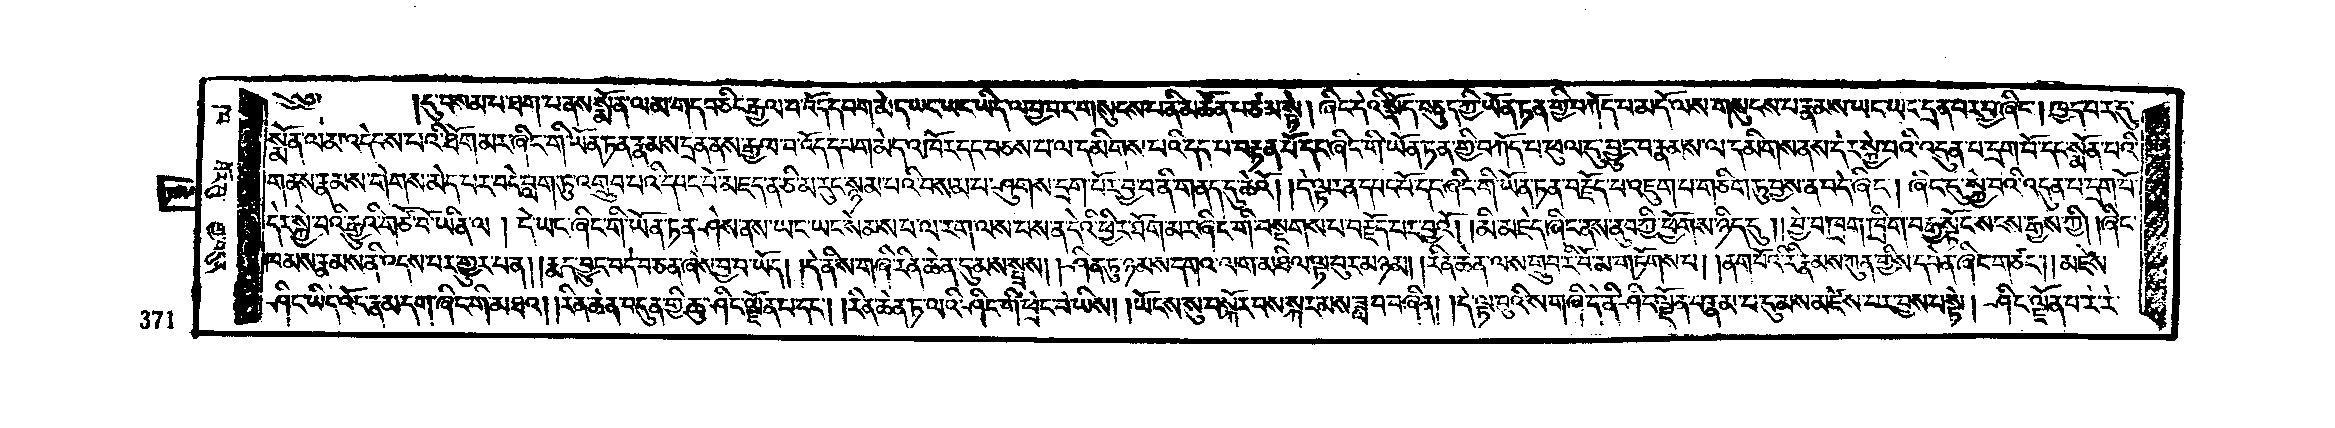༄༅། །དུ་བསམ་པ་ཐག་པ་ནས་སྨོན་ལམ་གདབ་ཅིང་རྒྱལ་བ་འོད་དཔག་མེད་ཡང་ཡང་ཡིད་ལ་བྱ་བར་གསུངས་པ་ནི་མཚོན་པ་ཙམ་སྟེ། ཞིང་དེའི་སྣོད་བཅུད་ཀྱི་ཡོན་ཏན་གྱི་བཀོད་པ་མདོ་ལས་གསུངས་པ་རྣམས་ཡང་ཡང་དྲན་པར་བྱ་ཞིང་། ཁྱད་པར་དུ་
སྨོན་ལམ་འདེབས་པའི་ཐོག་མར་ཞིང་གི་ཡོན་ཏན་རྣམས་དྲན་ནས་རྒྱལ་བ་འོད་དཔག་མེད་འཁོར་དང་བཅས་པ་ལ་དམིགས་པའི་དད་པ་བརྟན་པོ་དང་ཞིང་གི་ཡོན་ཏན་གྱི་བཀོད་པ་ཕུལ་དུ་བྱུང་བ་རྣམས་ལ་དམིགས་ནས་དེར་སྐྱེ་བའི་འདུན་པ་དྲག་པོ་དང་སྨོན་པའི་
གནས་རྣམས་གེགས་མེད་པར་བདེ་བླག་ཏུ་འགྲུབ་པའི་དབང་པོ་མཛད་ན་ཅི་མ་རུང་སྙམ་པའི་བསམ་པ་ཤུགས་དྲག་པོར་བྱ་བ་ནི་གནད་དུ་ཆེའོ། །དེ་ལྟར་ན་དབང་པོ་དང་ཞིང་གི་ཡོན་ཏན་བརྗོད་པ་འཇུག་པ་གཅིག་ཏུ་བྱས་ན་བདེ་ཞིང་། ཞིང་དུ་སྐྱེ་བའི་འདུན་པ་དྲག་པོ་
དེར་སྐྱེ་བའི་རྒྱུའི་གཙོ་བོ་ཡིན་ལ། དེ་ཡང་ཞིང་གི་ཡོན་ཏན་ཤེས་ནས་ཡང་ཡང་སེམས་པ་ལ་རག་ལས་པས་ན་དེའི་ཕྱིར་ཐོག་མར་ཞིང་གི་བསྔགས་པ་བརྗོད་པར་བྱའོ། །མི་མཛེད་ཞིང་ནས་ནུབ་ཀྱི་ཕྱོགས་ཉིད་དུ། །བྱེ་བ་ཁྲག་ཁྲིག་བརྒྱ་སྟོང་སངས་རྒྱས་ཀྱི། །ཞིང་
ཁམས་རྣམས་ནི་འདས་པར་གྱུར་པ་ན། །རྨད་བྱུང་བདེ་བ་ཅན་ཞེས་བྱ་བ་ཡོད། །དེ་ནི་ས་གཞི་རིན་ཆེན་དུ་མས་སྤྲས། །ཤིན་ཏུ་ཉམས་དགའ་ལག་མཐིལ་ལྟ་བུར་མཉམ། །རིན་ཆེན་ལས་གྲུབ་རི་བོ་མ་གཏོགས་པ། །ནག་པོའི་རི་རྣམས་ཀུན་གྱིས་དབེན་ཞིང་གཙང་། །མཛེས་
ཤིང་ཡིད་འོང་རྣམ་དག་ཞིང་གི་མཐའ། །རིན་ཆེན་བདུན་གྱི་ཆུ་ཤིང་ལྗོན་པ་དང་། །རིན་ཆེན་ཏ་ལའི་ཤིང་གི་ཕྲེང་བ་ཡིས། །ཡོངས་སུ་བསྐོར་བས་སྐར་མས་ཟླ་བ་བཞིན། །དེ་ལྟ་བུའི་ས་གཞི་དེ་ནི་ཤིང་ལྗོན་པ་རྣམ་པ་དུ་མས་མཛེས་པར་བྱས་པ་སྟེ། ཤིང་ལྗོན་པ་རེ་རེ་